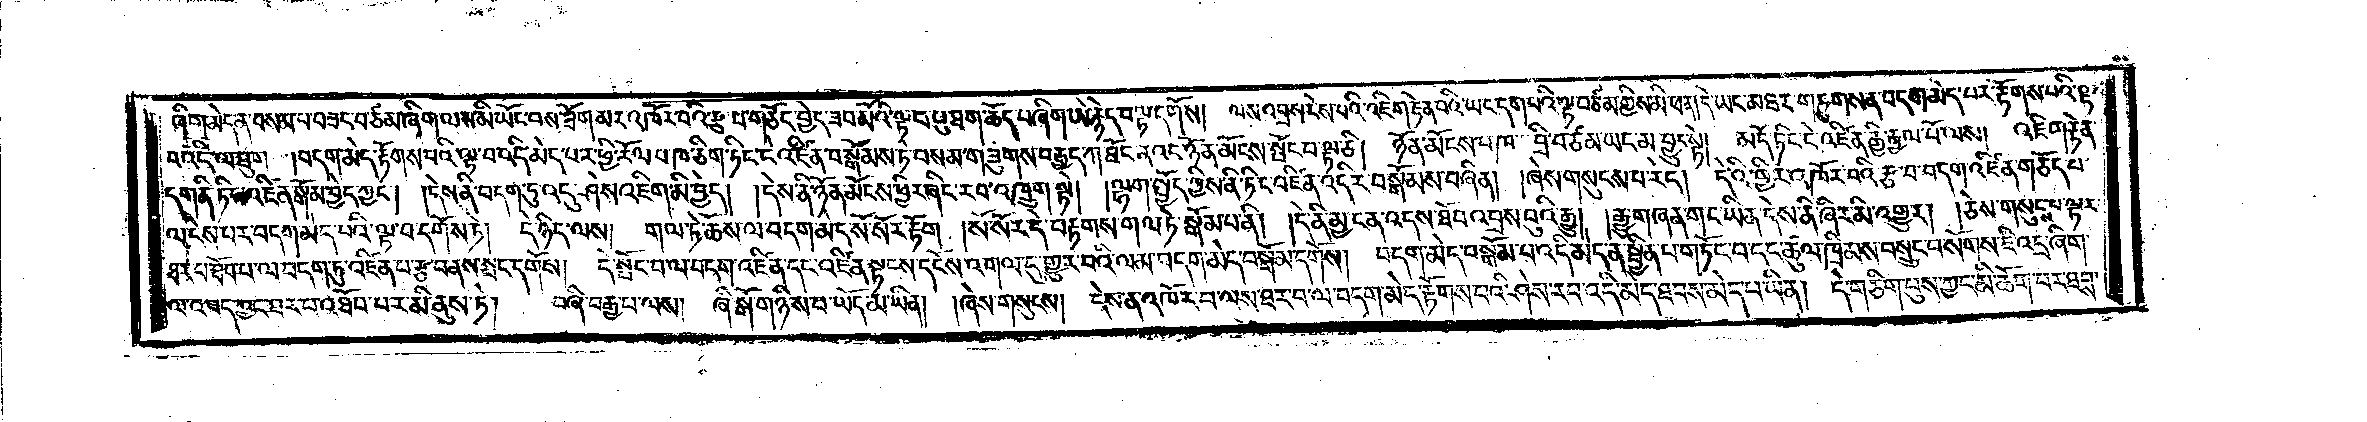ཤིག་མེད་ན་བསམ་པ་བཟང་བ་ཙམ་ཞིག་ལས་མི་ཡོང་བས་ཐོག་མར་འཁོར་བའི་རྩ་བ་གཅོད་བྱེད་ཟབ་མོའི་ལྟ་བ་ཕུ་ཐག་ཆོད་པ་ཞིག་ཨེ་རྙེད་བལྟ་དགོས། ལས་འབྲས་ངེས་པའི་འཇིག་རྟེན་པའི་ཡང་དག་པའི་ལྟ་བ་ཙམ་གྱིས་མི་ཕན། དེ་ཡང་མཐར་གཏུགས་ན་བདག་མེད་པར་རྟོགས་པའི་ལྟ་
བ་འདི་ལ་ཐུག །བདག་མེད་རྟོགས་པའི་ལྟ་བ་འདི་མེད་པར་ཕྱི་རོལ་པ་ཁ་ཅིག་ཏིང་ངེ་འཛིན་བསྒོམས་ཏེ་བསམ་གཟུགས་བརྒྱད་ཀ་ཐོབ་ནའང་ཉོན་མོངས་སྤོང་བ་ལྟ་ཅི། ཉོན་མོངས་པ་ཁ་ཕྲི་བ་ཙམ་ཡང་མ་བྱུང་སྟེ། མདོ་ཏིང་ངེ་འཛིན་གྱི་རྒྱལ་པོ་ལས། འཇིག་རྟེན་
དག་ནི་ཏིང་འཛིན་སྒོམ་བྱེད་ཀྱང་། །དེས་ནི་བདག་ཏུ་འདུ་ཤེས་འཇིག་མི་བྱེད། །དེས་ནི་ཉོན་མོངས་ཕྱིར་ཞིང་རབ་འཁྲུག་སྟེ། །ལྷག་སྤྱོད་ཀྱིས་ནི་ཏིང་འཛིན་འདིར་བསྒོམས་བཞིན། །ཞེས་གསུངས་པ་རེད། དེའི་ཕྱིར་འཁོར་བའི་རྩ་བ་བདག་འཛིན་གཅོད་པ་
ལ་ངེས་པར་བདག་མེད་པའི་ལྟ་བ་དགོས་ཏེ། དེ་ཉིད་ལས། གལ་ཏེ་ཆོས་ལ་བདག་མེད་སོ་སོར་རྟོག །སོ་སོར་དེ་བརྟགས་གལ་ཏེ་སྒོམ་པ་ནི། །དེ་ནི་མྱ་ངན་འདས་ཐོབ་འབྲས་བུའི་རྒྱུ། །རྒྱུ་གཞན་གང་ཡིན་དེས་ནི་ཞིར་མི་འགྱུར། །ཅེས་གསུངས་པ་ལྟར་
ཐར་པ་ཐོབ་པ་ལ་བདག་ཏུ་འཛིན་པ་རྩ་བ་ནས་སྤང་དགོས། དེ་སྤོང་བ་ལ་བདག་འཛིན་དང་འཛིན་སྟངས་དངོས་འགལ་དུ་གྱུར་པའི་ལམ་བདག་མེད་བསྒོམ་དགོས། བདག་མེད་བསྒོམ་པ་འདི་མེད་ན་སྦྱིན་པ་གཏོང་བ་དང་ཚུལ་ཁྲིམས་བསྲུང་བ་སོགས་ཇི་འདྲ་ཞིག་
ལ་འབད་ཀྱང་ཐར་པ་འཐོབ་པར་མི་ནུས་ཏེ། བཞི་བརྒྱ་པ་ལས། ཞི་སྒོ་གཉིས་པ་ཡོད་མ་ཡིན། །ཞེས་གསུངས། དེས་ན་འཁོར་བ་ལས་ཐར་བ་ལ་བདག་མེད་རྟོགས་པའི་ཤེས་རབ་འདི་མེད་ཐབས་མེད་པ་ཡིན། དེ་གཅིག་པུས་ཀྱང་མི་ཆོག་བར་ཐབས་